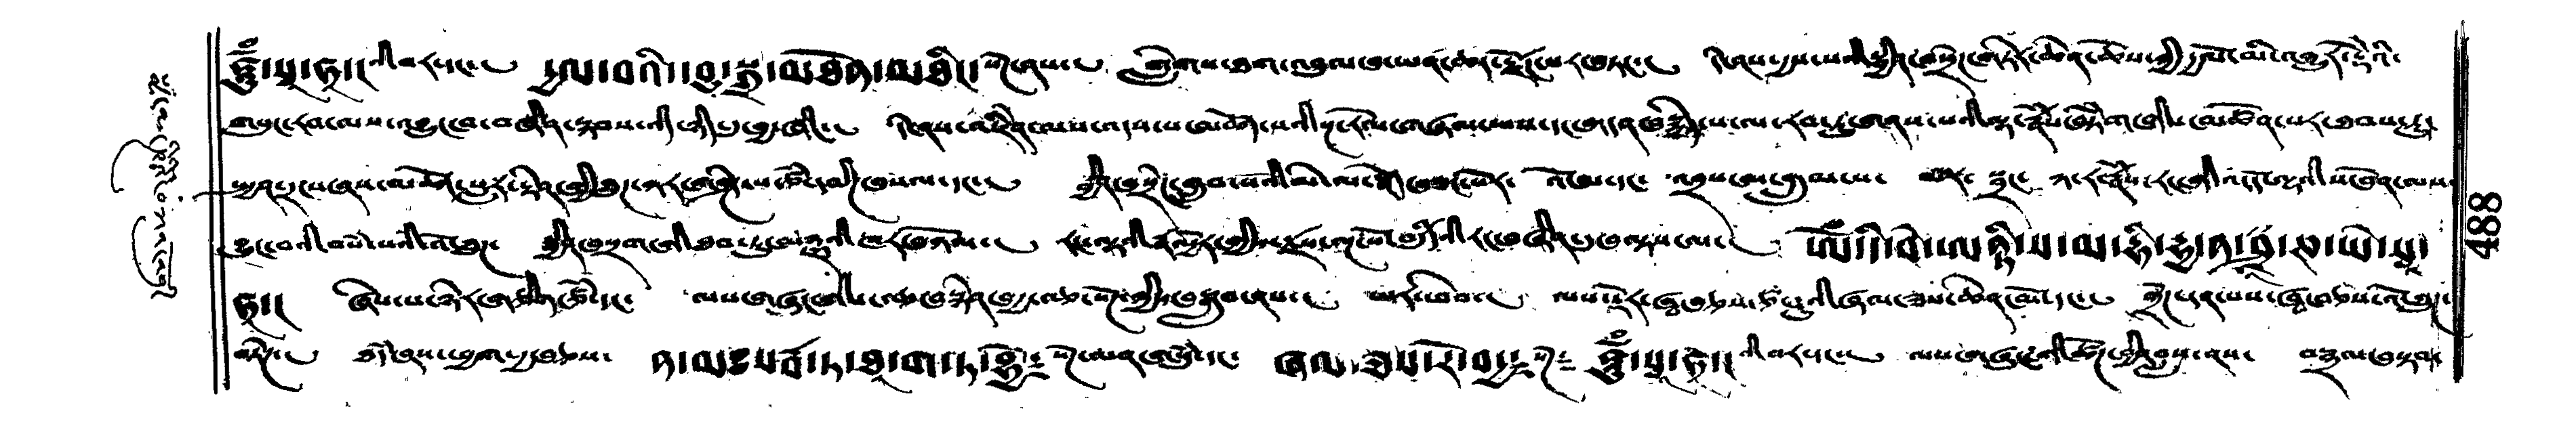ཧཱུྃ་སྭ་ཧཱ འི་བར་དང་། རྒྱལ་བའི་དབུ་སྐྲ་མཐོན་མཐིང༴ སོགས་ནས་གླེགས་ཐག་འབུལ་བ་ཡན་ཆད་རྫོགས་པར་བཏང་།དེ་ནས་རྒྱས་པའི་སྦྱིན་བསྲེག་གཏེར་ཆེན་ཆོས་ཀྱི་རྒྱལ་པོ་མི་འགྱུར་རྡོ་རྗེའི་
གསུང་རབ་ལས་འབྱུང་བ་བཞིན་སྐབས་འདི་ཉིད་དུ་བྱ་ཞིང་། དེ་ནས་འཇིག་རྟེན་ལས་འདས་པ་མཆོད་པའི་སྔ་རོལ་གཞལ་ཡས་དང་གདན་བསྐྱེད་པ་ལ་རབ་ཏུ་གནས་པའི་ལྷ་རྣམས་མེ་ཏོག་གིས་མཚོན་པར་ཐབས་ཏུ་
སྤྱན་དྲངས་ནས་མཆོད། སླར་རྟེན་གྱི་ཐུགས་ཀར་གཤེགས་པ་ཙམ་དམིགས་བསལ་དང་། སྦྱིན་བསྲེག་གྲུབ་པའི་མེ་ལོང་ལ་སྣོད་བཟང་པོར། འོ་མ་དང་། འབྲས་མ་གྲུམ་པ། མར་སྦྲང། ཀ་ར་རྣམས་རང་གི་འདོད་ལྷའི་ས་བོན་ལས་
བྱུང་བར་བསམ་པའི་འོ་ཐུག་སྦྱིན་བསྲེག་གི་ཐབ་ཏུ་མཉྫིའི་ཁར་བཀོལ། རང་ལྷའི་རྣལ་འབྱོར་གྱིས་རྫས་ལྔ་པོ་བདུད་རྩིའི་རང་བཞིན་དུ་བལྟས་ལ། ཨོཾ་དི་བེ་ཨནྟི་ས་མ་དྷི་དྷྱ་ན་ཤྲིའ་ཎ་ཡེ་སྭ་
ཧཱ། ཞེས་པ་ཉེར་གཅིག་ཙམ་དང་། ལས་གཞུང་གིས་རྩ་བསྙེན་བརྒྱ་རྩ་སོགས་ཀྱིས་བསྒྲུབས་ནས། ཡར་ཕེབས། ལས་རྡོར་ཞྭ་བཅས་ཙ་རུའི་ཞལ་ཟས་ཆེན་མོ་དང་། གྲོགས་དན་པས་ཞྭ་བཅས་འོ་ཐུག་
བཏེགས། ཐམས་ཅད་ནས་ཕྱག་རྒྱ་བཅས། ན་མཿསརྦ་ཏ་ཐཱ་ག་ཏ་བྷྱོ༴ སོགས་ལན་གསུམ་དང་། ཞལ་ཟས་རོ་བརྒྱ༴ སོགས། ཧཱུྃ་སྭ་ཧཱ འི་བར་དང་། ལས་གཞུང་གི་ཚོགས་བྱིན་རླབས་ནས། སྒྲལ་བསྟབ་